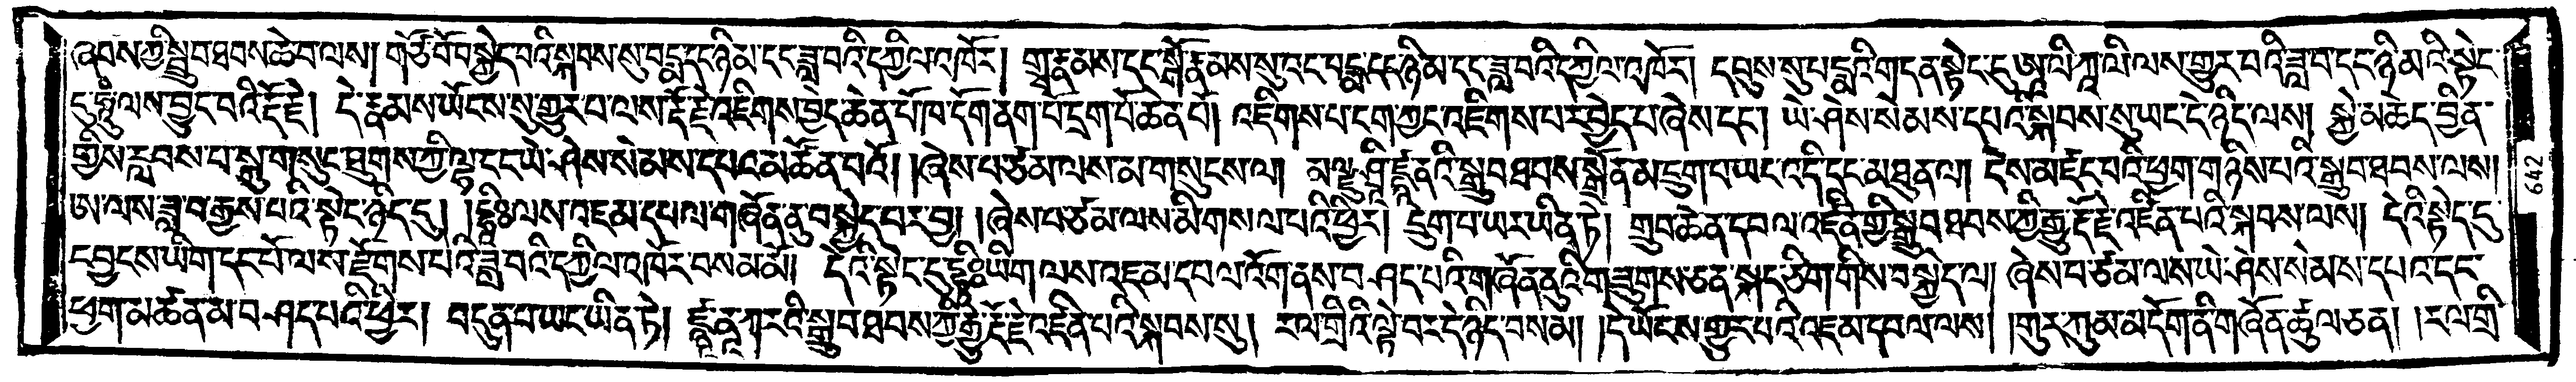ཞབས་ཀྱི་སྦྲུབ་ཐབས་ཆེ་བ་ལས། གཙོ་བོ་བསྐྱེད་པའི་སྐབས་སུ་པདམ་དང་ཉི་མ་དང་ཟླ་བའི་དཀྱིལ་འཁོར། གྲྭ་རྣམས་དང་སྒོ་རྣམས་སུའང་པདམ་དང་ཉི་མ་དང་ཟླ་བའི་དཀྱིལ་འཁོར། དབུས་སུ་པདམའི་གདན་སྟེང་དུ་ཨཱ་ལི་ཀཱ་ལི་ལས་གྱུར་བའི་ཟླ་བ་དང་ཉི་མའི་སྟེང་
དུ་ཧཱུཾ་ལས་བྱུང་བའི་རྡོ་རྗེ། དེ་རྣམས་ཡོངས་སུ་གྱུར་པ་ལས་རྡོ་རྗེ་འཇིགས་བྱེད་ཆེན་པོ་ཁ་དོག་ནག་པོ་དྲག་པོ་ཆེན་པོ། འཇིགས་པ་དག་ཀྱང་འཇིགས་པར་བྱེད་པ་ཞེས་དང་། ཡེ་ཤེས་སེམས་དཔའ་སྐབས་སུ་ཡང་དེ་ཉིད་ལས། སྐྱེ་མཆེད་བྱིན་
གྱིས་རླབས་པ་སྐུ་གསུང་ཐུགས་ཀྱི་ལྷ་དང་ཡེ་ཤེས་སེམས་དཔའ་མཚོན་པའོ། །ཞེས་པ་ཙམ་ལས་མ་གསུངས་ལ། མལྫུ་ཤྲཱི་ཛྙཱ་ནའི་སྒྲུབ་ཐབས་སྒྲོན་མ་དྲུག་པ་ཡང་འདི་དང་མཐུན་ལ། དེས་མཛད་པའི་ཕྱག་གཉིས་པའི་སྒྲུབ་ཐབས་ལས།
ཨ་ལས་ཟླ་བ་རྒྱས་པའི་སྟེང་ཉིད་དུ། །དྷཱིཿལས་འཇམ་དཔལ་གཞོན་ནུ་བསྐྱེད་བར་བྱ། །ཞེས་པ་ཙམ་ལས་མི་གསལ་པའི་ཕྱིར། དྲུག་པ་ཡར་ཡིན་ཏེ། གྲུབ་ཆེན་དཔལ་འཛིན་གྱི་སྒྲུབ་ཐབས་ཀྱི་རྒྱུ་རྡོ་རྗེ་འཛིན་པའི་སྐབས་ལས། དེའི་སྟེང་དུ་
དབྱངས་ཡིག་དང་པོ་ལས་རྫོགས་པའི་ཟླ་བའི་དཀྱིལ་འཁོར་བསམ་མོ། དེའི་སྟེང་དུ་དྷཱིཿཡིག་ལས་འཇམ་དཔལ་འོག་ནས་བཤད་པའི་གཞོན་ནུའི་གཟུགས་ཅན་སྐད་ཅིག་གིས་བསྐྱེད་ལ། ཞེས་པ་ཙམ་ལས་ཡེ་ཤེས་སེམས་དཔའ་དང་
ཕྱག་མཚན་མ་བཤད་པའི་ཕྱིར། བདུན་པ་ཡང་ཡིན་ཏེ། ཛྙཱ་ནཱ་ཀ་རའི་སྒྲུབ་ཐབས་ཀྱི་རྒྱུ་རྡོ་རྗེ་འཛིན་པའི་སྐབས་སུ། རལ་གྲིའི་ལྟེ་བར་དེ་ཉིད་བསམ། །དེ་ཡོངས་གྱུར་པའི་འཇམ་དཔལ་ལས། །གུར་ཀུམ་མདོག་ནི་གཞོན་ཚུལ་ཅན། །རལ་གྲི་